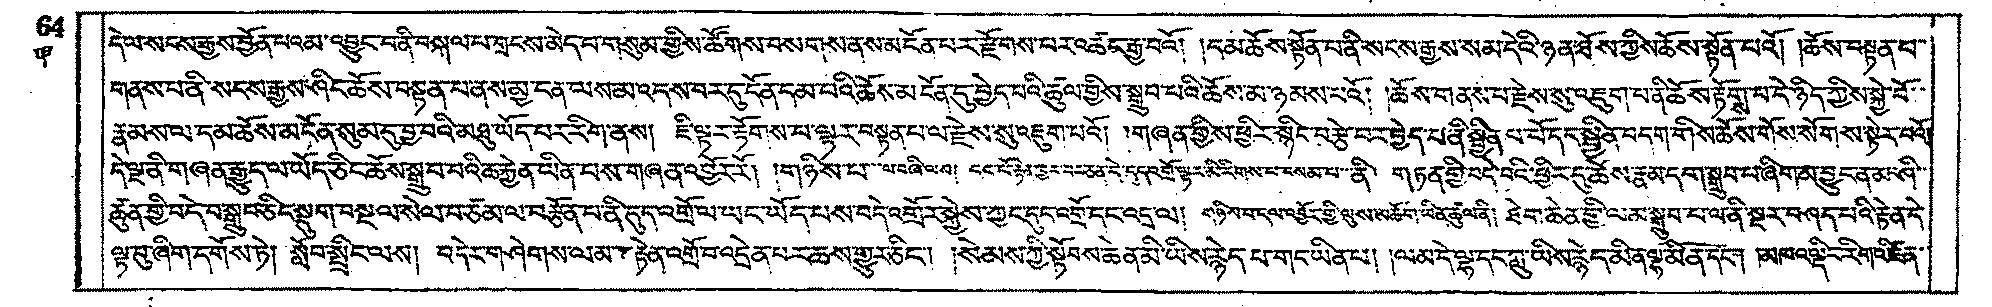དེ་ལ་སངས་རྒྱས་བྱོན་པའམ་འབྱུང་བ་ནི་བསྐལ་པ་གྲངས་མེད་པ་གསུམ་གྱིས་ཚོགས་བསགས་ནས་མངོན་པར་རྫོགས་པར་འཚང་རྒྱ་བའོ། །དམ་ཆོས་སྟོན་པ་ནི་སངས་རྒྱས་སམ་དེའི་ཉན་ཐོས་ཀྱིས་ཆོས་སྟོན་པའོ། །ཆོས་བསྟན་པ་
གནས་པ་ནི་སངས་རྒྱས་ཤིང་ཆོས་བསྟན་པ་ནས་མྱ་ངན་ལས་མ་འདས་བར་དུ་དོན་དམ་པའི་ཆོས་མངོན་དུ་བྱེད་པའི་ཚུལ་གྱིས་སྒྲུབ་པའི་ཆོས་མ་ཉམས་པའོ། །ཆོས་གནས་པ་རྗེས་སུ་འཇུག་པ་ནི་ཆོས་རྟོགས་པ་དེ་ཉིད་ཀྱིས་སྐྱེ་བོ་
རྣམས་ལ་དམ་ཆོས་མངོན་སུམ་དུ་བྱ་བའི་མཐུ་ཡོད་པར་རིག་ནས། ཇི་ལྟར་རྟོགས་པ་ལྟར་བསྟན་པ་ལ་རྗེས་སུ་འཇུག་པའོ། །གཞན་གྱིས་ཕྱིར་སྙིང་བརྩེ་བར་བྱེད་པ་ནི་སྦྱིན་པ་པོ་དང་སྦྱིན་བདག་གིས་ཆོས་གོས་སོགས་སྟེར་བའོ།
དེ་ལྔ་ནི་གཞན་རྒྱུད་ལ་ཡོད་ཅིང་ཆོས་སྒྲུབ་པའི་ཆ་རྐྱེན་ཡིན་པས་གཞན་འབྱོར་རོ། །གཉིས་པལ་བཞི་ལས། དང་པོ་རྟེན་ཁྱད་པར་ཅན་དེ་དུད་འགྲོ་ལྟར་མི་རིགས་པ་བསམ་པནི། གཏན་གྱི་བདེ་བའི་ཕྱིར་དུ་ཚེས་རྣམ་དག་སྒྲུབ་པ་ཞིག་མ་བྱུང་ན་མ་ཤི་
ཚུན་གྱི་བདེ་བསྒྲུབ་ཅིང་སྡུག་བསྔལ་སེལ་བ་ཙམ་ལ་བརྩོན་པ་ནི་དུད་འགྲོ་ལ་ཡང་ཡོད་པས་བདེ་འགྲོར་སྐྱེས་ཀྱང་དུད་འགྲོ་དང་འདྲ་ལ། གཉིས་པ་དལ་འབྱོར་གྱི་ལུས་མཆོག་ཡིན་ཚུལ་ནི། ཐེག་ཆེན་གྱི་ལམ་སྒྲུབ་པ་ལ་ནི་སྔར་བཤད་པའི་རྟེན་དེ་
ལྟ་བུ་ཞིག་དགོས་ཏེ། སློབ་སྤྲིང་ལས། བདེར་གཤེགས་ལམ་བརྟེན་འགྲོ་བ་འདྲེན་པར་ཆས་གྱུར་ཅིང་། །སེམས་ཀྱི་སྟོབས་ཆེན་མི་ཡིས་རྙེད་པ་གང་ཡིན་པ། །ལམ་དེ་ལྷ་དང་ཀླུ་ཡིས་རྙེད་མིན་ལྷ་མིན་དང་། །མཁའ་ལྡིང་རིག་འཛིན་